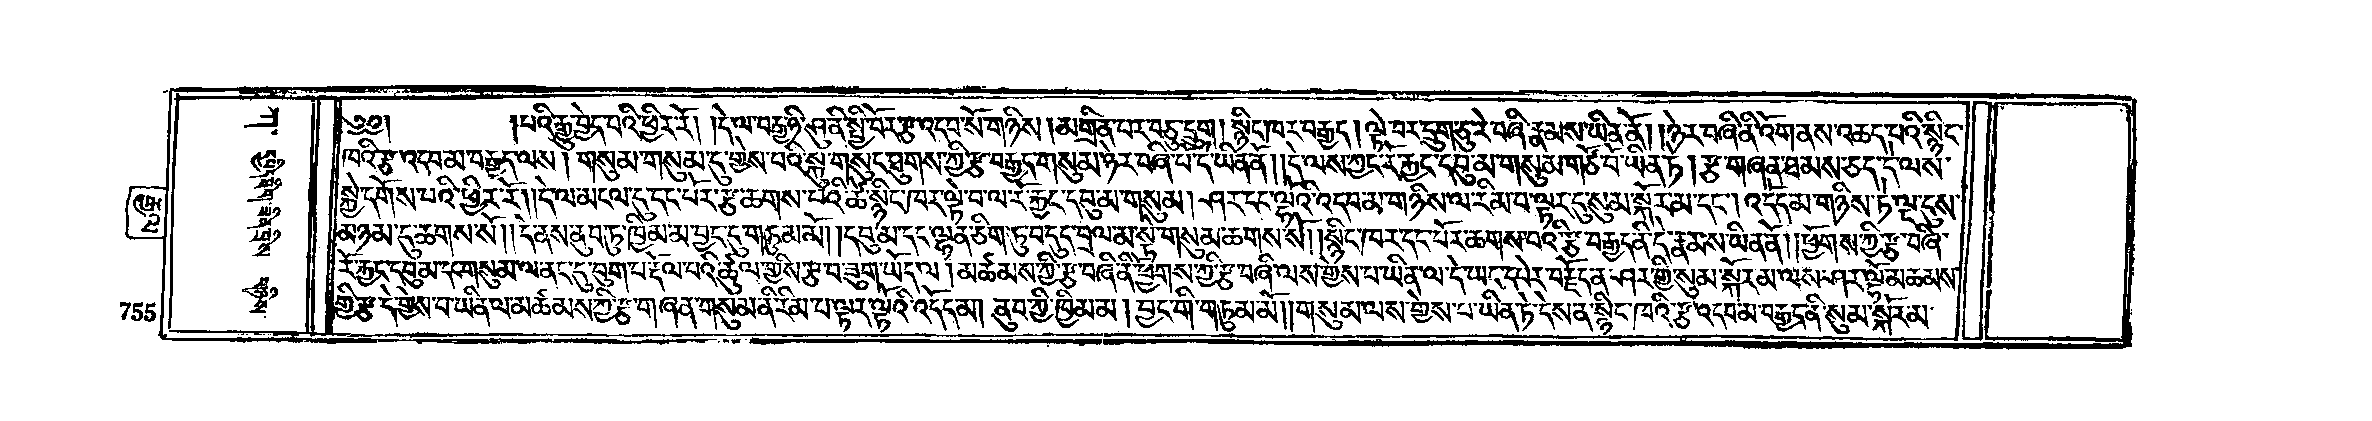༄༅། །པའི་རྒྱུ་བྱེད་པའི་ཕྱིར་རོ། །དེ་ལ་བརྒྱ་ཉི་ཤུ་ནི་སྤྱི་བོར་རྩ་འདབ་སོ་གཉིས། །མགྲིན་པར་བཅུ་དྲུག །སྙིང་ཁར་བརྒྱད་།ལྟེ་བར་དྲུག་ཅུ་རེ་བཞི་རྣམས་ཡིན་ནོ། །ཉེར་བཞི་ནི་འོག་ནས་འཆད་པའི་སྙིང་
ཁའི་རྩ་འདབ་མ་བརྒྱད་ལས། གསུམ་གསུམ་དུ་གྱེས་པའི་སྐུ་གསུང་ཐུགས་ཀྱི་རྩ་བརྒྱད་གསུམ་ཉེར་བཞི་པོ་དེ་ཡིན་ནོ། །དེ་ལས་ཀྱང་རོ་རྐྱང་དབུ་མ་གསུམ་གཙོ་བོ་ཡིན་ཏེ། རྩ་གཞན་ཐམས་ཅད་དེ་ལས་
སྐྱེ་དགོས་པའི་ཕྱིར་རོ། །དེ་ལ་མངལ་དུ་དང་པོར་རྩ་ཆགས་པའི་ཚེ་སྙིང་ཁར་ལྟེ་བ་ལ་རོ་རྐྱང་དབུ་མ་གསུམ། ཤར་དང་ལྷོའི་འདབ་མ་གཉིས་ལ་རིམ་པ་ལྟར་དུ་སུམ་སྐོར་མ་དང་། འདོད་མ་གཉིས་ཏེ་ལྔ་དུས་
མཉམ་དུ་ཆགས་སོ། །དེ་ནས་ནུབ་ཏུ་ཁྱིམ་མ་བྱང་ཆུང་དུ་གཏུམ་མོ། །དབུ་མ་དང་ལྷན་ཅིག་ཏུ་བདུད་བྲལ་མ་སྟེ་གསུམ་ཆགས་སོ། །སྙིང་ཁར་དང་པོར་ཆགས་པའི་རྩ་བརྒྱད་ནི་དེ་རྣམས་ཡིན་ནོ། །ཕྱོགས་ཀྱི་རྩ་བཞི་
རོ་རྐྱང་དབུ་མ་དང་གསུམ་ལ་ནང་དུ་བུག་པ་རྡོལ་བའི་ཚུལ་གྱིས་རྩ་བ་ཟུག་ཡོད་ལ། མཚམས་ཀྱི་རྩ་བཞི་ནི་ཕྱོགས་ཀྱི་རྩ་བཞི་ལས་གྱེས་པ་ཡིན་ལ་དེ་ཡང་དཔེར་བརྗོད་ན་ཤར་གྱི་སུམ་སྐོར་མ་ལས་ཤར་ལྷོ་མཚམས་
གྱི་རྩ་དེ་གྱེས་པ་ཡིན་ལ་མཚམས་ཀྱི་རྩ་གཞན་གསུམ་ནི་རིམ་པ་ལྟར་ལྷོའི་འདོད་མ། ནུབ་ཀྱི་ཁྱིམ་མ། བྱང་གི་གཏུམ་མོ། །གསུམ་ལས་གྱིས་པ་ཡིན་ཏེ་དེས་ན་སྙིང་ཁའི་རྩ་འདབ་མ་བརྒྱད་ནི་སུམ་སྐོར་མ་